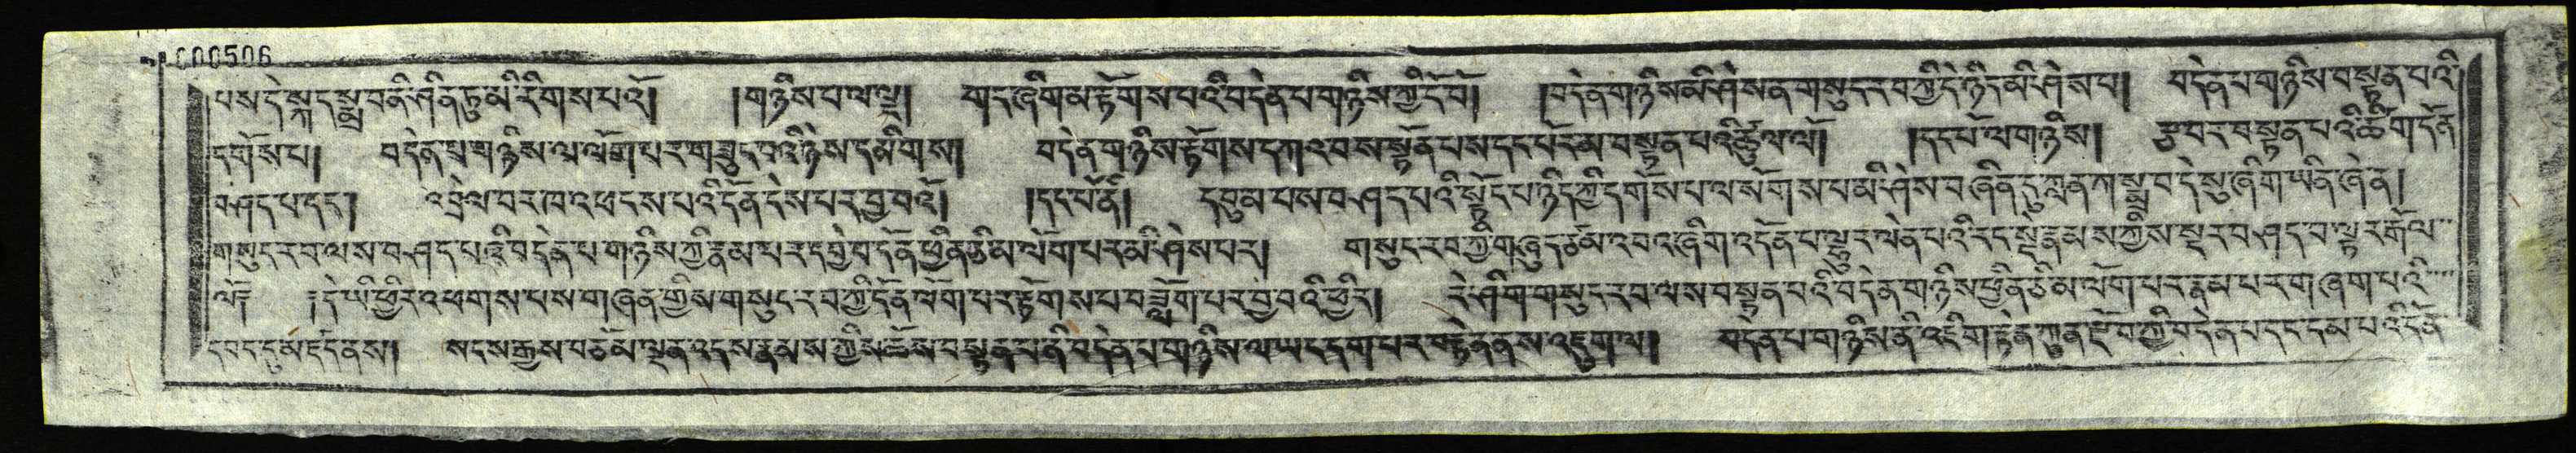པས་དེ་སྐད་སྨྲ་བ་ནི་ཤིན་ཏུ་མི་རིགས་པའོ། །གཉིས་པ་ལ་ལྔ། གང་ཞིག་མ་རྟོགས་པའི་བདེན་པ་གཉིས་ཀྱི་ངོ་བོ། །བདེན་གཉིས་མི་ཤེས་ན་གསུང་རབ་ཀྱི་དེ་ཉིད་མི་ཤེས་པ། བདེན་པ་གཉིས་བསྟན་པའི་
དགོས་པ། བདེན་པ་གཉིས་ལ་ལོག་པར་གཟུང་བའི་ཉེས་དམིགས། བདེན་གཉིས་རྟོགས་དཀའ་བས་སྟོན་པས་དང་པོར་མ་བསྟན་པའི་ཚུལ་ལོ། །དང་པོ་ལ་གཉིས། རྩ་བར་བསྟན་པའི་ཚིག་དོན་
བཤད་པ་དང་། འབྲེལ་བར་ཁ་འཕངས་པའི་དོན་ངེས་པར་བྱ་བའོ། །དང་པོ་ནི། དབུ་མ་པས་བཤད་པའི་སྟོང་པ་ཉིད་ཀྱི་དགོས་པ་ལ་སོགས་པ་མི་ཤེས་བཞིན་དུ་ཀླན་ཀ་སྨྲ་བ་དེ་སུ་ཞིག་ཡིན་ཞེ་ན།
གསུང་རབ་ལས་བཤད་པའི་བདེན་པ་གཉིས་ཀྱི་རྣམ་པར་དབྱེ་བ་དོན་ཕྱིན་ཅི་མ་ལོག་པར་མི་ཤེས་པར། གསུང་རབ་ཀྱི་གཞུང་ཙམ་འབའ་ཞིག་འདོན་པ་ལྷུར་ལེན་པའི་རང་སྡེ་རྣམས་ཀྱིས་སྔར་བཤད་པ་ལྟར་རྒོལ་
ལོ༑ ༑དེ་ཡི་ཕྱིར་འཕགས་པས་གཞན་གྱིས་གསུང་རབ་ཀྱི་དོན་ལོག་པར་རྟོགས་པ་བཟློག་པར་བྱ་བའི་ཕྱིར། རེ་ཤིག་གསུང་རབ་ལས་བསྟན་པའི་བདེན་གཉིས་ཕྱིན་ཅི་མ་ལོག་པར་རྣམ་པར་གཞག་པའི་
དབང་དུ་མཛད་ནས། སངས་རྒྱས་བཅོམ་ལྡན་འདས་རྣམས་ཀྱིས་ཆོས་བསྟན་པ་ནི་བདེན་པ་གཉིས་ལ་ཡང་དག་པར་བརྟེན་ནས་འཇུག་ལ། བདེན་པ་གཉིས་ནི་འཇིག་རྟེན་ཀུན་རྫོབ་ཀྱི་བདེན་པ་དང་དམ་པའི་དོན་